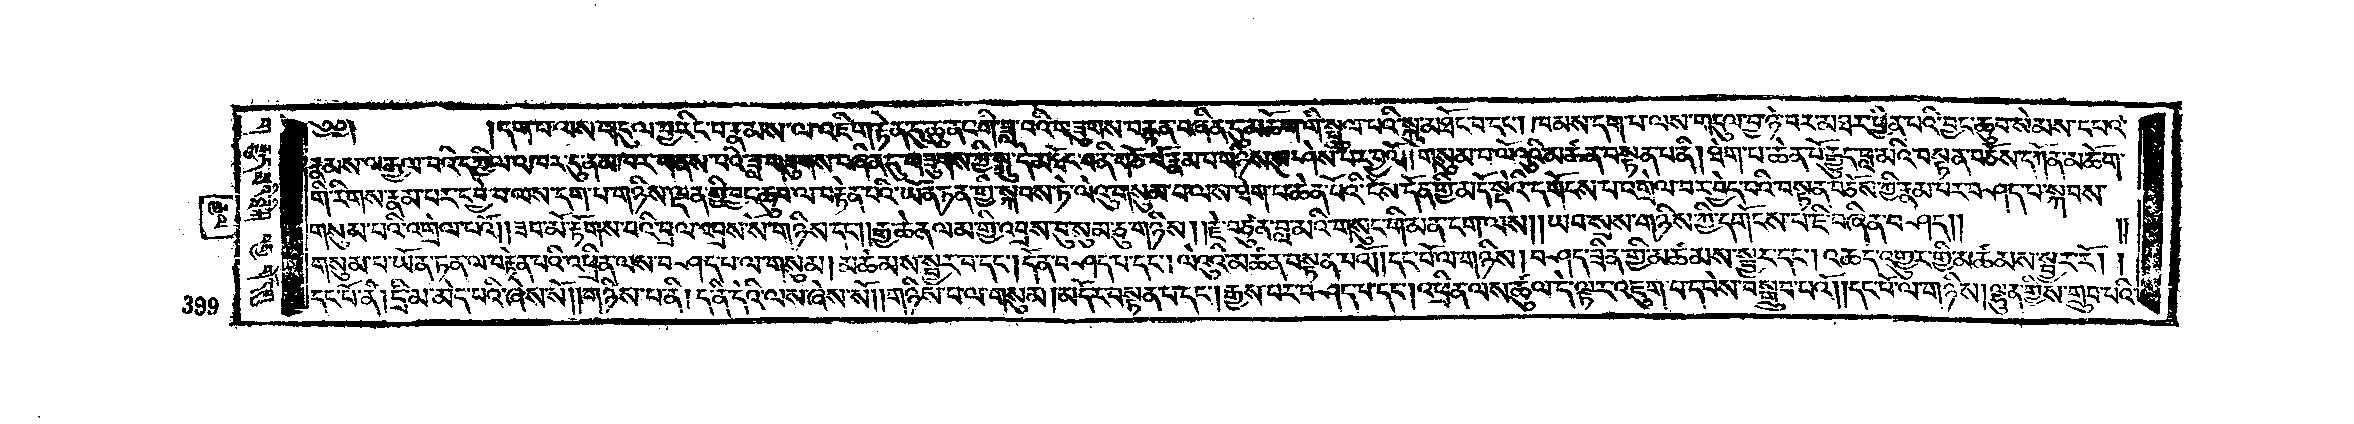༄༅། །དག་པ་ལས་གདུལ་བྱ་རིང་པ་རྣམས་ལ་འཇིག་རྟེན་དུ་ཆུ་ནང་གི་ཟླ་བའི་གཟུགས་བརྙན་བཞིན་དུ་མཆོག་གི་སྤྲུལ་པའི་སྐུ་མཐོང་བ་དང་། ཁམས་དག་པ་ལས་གདུལ་བྱ་ཉེ་བར་མཐར་ཕྱིན་པའི་བྱང་ཆུབ་སེམས་དཔའ་
རྣམས་ལ་རྒྱལ་བའི་དཀྱིལ་འཁོར་དུ་ནམ་མཁར་གནས་པའི་ཟླ་གཟུགས་བཞིན་དུ་གཟུགས་ཀྱི་སྐུ་དེ་མཐོང་བ་ནི་གཙོ་བོ་རྣམ་པ་གཉིས་སུ་ཤེས་པར་བྱའོ། །གསུམ་པ་ལེའུའི་མཚན་བསྟན་པ་ནི། ཐེག་པ་ཆེན་པོ་རྒྱུད་བླ་མའི་བསྟན་བཅོས་དཀོན་མཆོག་
གི་རིགས་རྣམ་པར་དབྱེ་བ་ལས་དག་པ་གཉིས་ལྡན་གྱི་བྱང་ཆུབ་ལ་བརྟེན་པའི་ཡོན་ཏན་གྱི་སྐབས་ཏེ་ལེའུ་གསུམ་པ་ལས་ཐེག་པ་ཆེན་པོའི་ངེས་དོན་གྱི་མདོ་སྡེའི་དགོངས་པ་འགྲེལ་པར་བྱེད་པའི་བསྟན་བཅོས་ཀྱི་རྣམ་པར་བཤད་པ་སྐབས་
གསུམ་པའི་འགྲེལ་པའོ། །ཟབ་མོ་རྟོགས་པའི་བྲལ་འབྲས་སོ་གཉིས་དང་། རྒྱ་ཆེན་ལམ་གྱི་འབྲས་བུ་སུམ་ཅུ་གཉིས། །རྗེ་བཙུན་བླ་མའི་གསུང་གི་མན་ངག་ལས། ཡབ་སྲས་གཉིས་ཀྱི་དགོངས་པ་ཇི་བཞིན་བཤད།། །།
གསུམ་པ་ཡོན་ཏན་ལ་བརྟེན་པའི་འཕྲིན་ལས་བཤད་པ་ལ་གསུམ། མཚམས་སྦྱར་བ་དང་། དོན་བཤད་པ་དང་། ལེའུའི་མཚན་བསྟན་པའོ། །དང་པོ་ལ་གཉིས། བཤད་ཟིན་གྱི་མཚམས་སྦྱར་དང་། འཆད་འགྱུར་གྱི་མཚམས་སྦྱར་རོ། །
དང་པོ་ནི། དྲི་མ་མེད་པའི་ཞེས་སོ། །གཉིས་པ་ནི། ད་ནི་དེའི་ལས་ཞེས་སོ། །གཉིས་པ་ལ་གསུམ། མདོར་བསྟན་པ་དང་། རྒྱས་པར་བཤད་པ་དང་། འཕྲིན་ལས་ཚུལ་དེ་ལྟར་འཇུག་པ་དཔེས་བསྒྲུབ་པའོ། །དང་པོ་ལ་གཉིས། ལྷུན་གྱིས་གྲུབ་པའི་